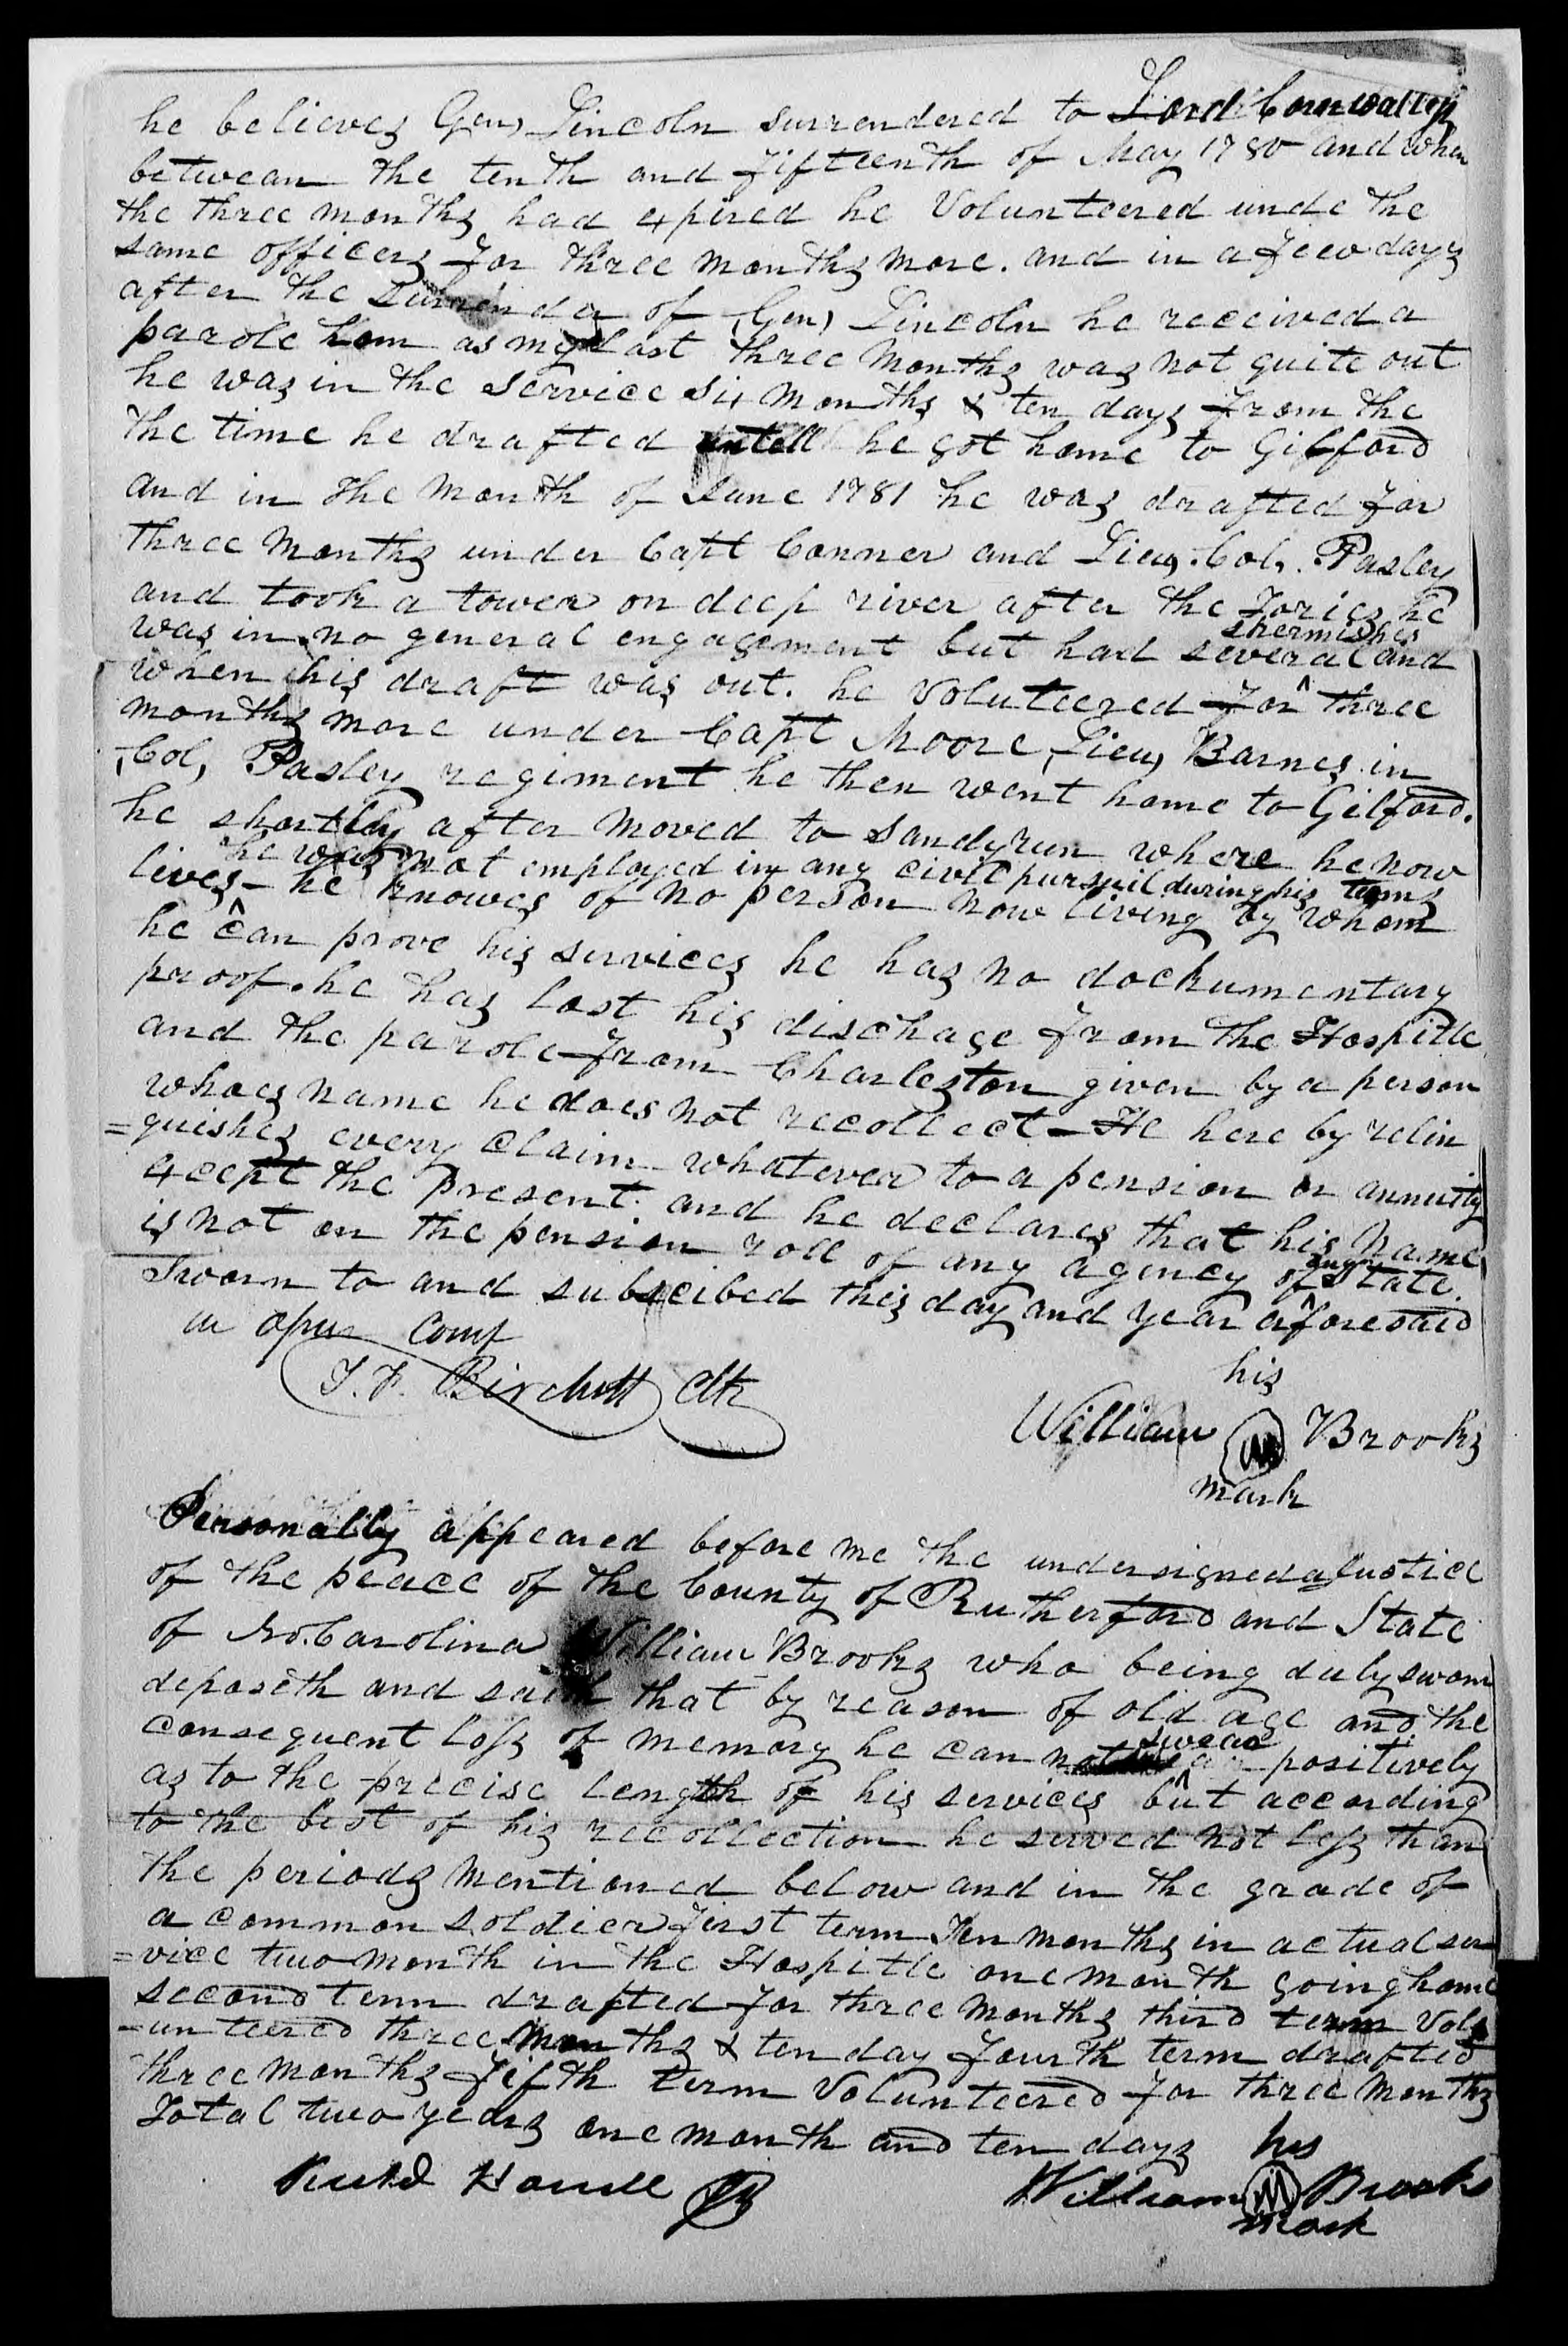he believes Gen. Lincoln Surrendered to Lord Cornwallis between the tenth and fifteenth of May 1780 and when  he three months had expired he volunteered under the same officers for three months more and in a few days after the surrender of Gen. Lincoln he received a parole from as my last three months was not quite out he was in the service six months & ten days from the the time he drafted untill he got home to Gifford and in the month of June 1781 he was drafted for
three months under Capt Canner and Lieu. Col. Pasley and took a tower on deck river after the Tories he was in no general engagement but had several skirmishes and when his draft was out, he volunteered for three months more under Capt Moore Lieut Barnes in Col, Pasley regiment he then went home to Gilford,
he shortly  after moved to Sandy Run where he now lives he was not employed in any civil pursuit during his tours he knows of no person now living by whom he can prove his services he has no documentary proof he has lost his discharge from the Hospitle and the parole from Charleston given by a person whose name he does not recollect. He hereby relinequishes every claim whatever to a pension or annuity except the present and he declares that his name is not on the pension roll of any agency of any state
Sworn to and subscribed this day and year aforesaid in open Court
William Brooks    his mark

T. F. Birchett Clk

Personally appeared before me the
undersigned a Justice of the peace of the County of Rutherford and State of
No. Carolina William Brooks who being duly sworn deposeth and said that by reason of old age and the consequent loss of memory he cannot  swear positively as to the precise length of his services but according to
the best of his recollection he served not less than the periods mentioned below and in the grade of a common soldier first term ten months in actual or vice two month in the Hospitle one month going home second term drafted for three months third term volunteered three months & ten day fourth term drafted three months fifth term volunteered for three months Total two years one month and ten days
William Brooks    his mark
Richd Harrell  JP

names: Richd Harrell, William Brooks, T F Birchett, Lincoln, Barnes, William Brooks, Lincoln, Pasley, Pasley, Canner, Moore, William Brooks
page: 4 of 17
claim: survivor's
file: S. 6717, William Brooks, Md. N.C.